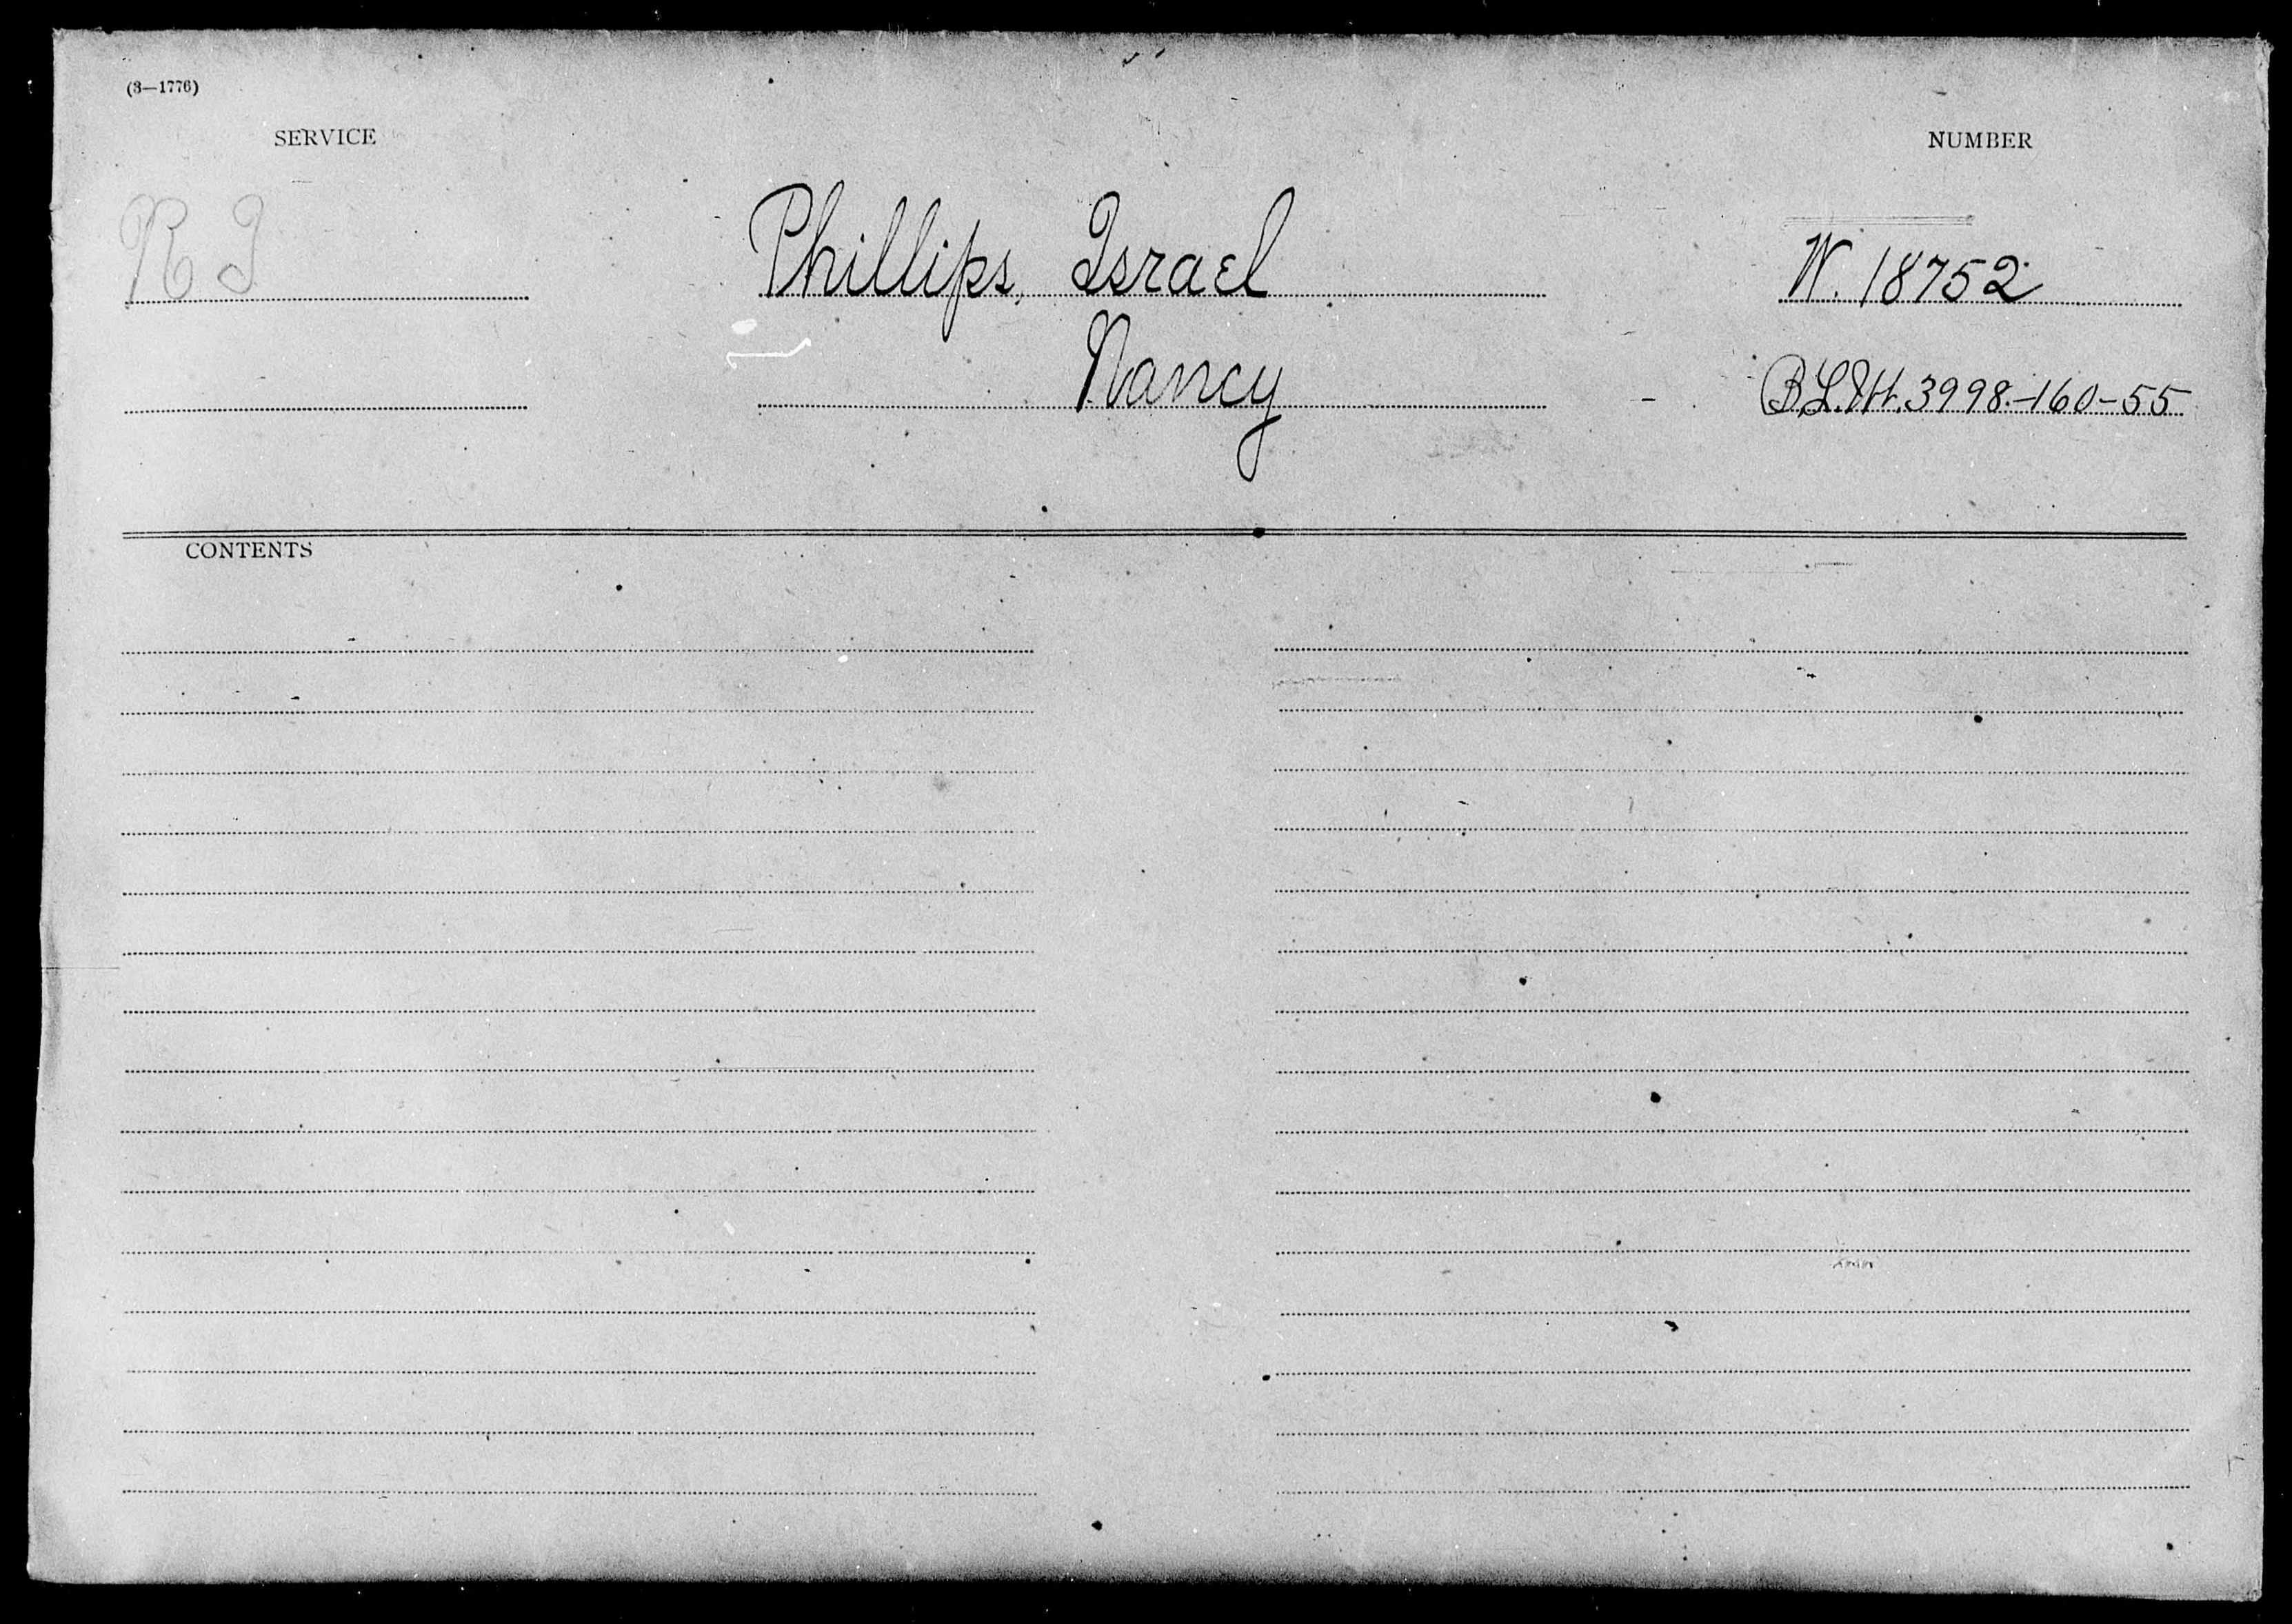(3-1776)
SERVICE
RI
PHILLIPS ISRAEL
NANCY
NUMBER W18752
BLSH 3998-160-55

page: 1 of 66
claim: widow's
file: W. 18752, for Israel Phillips, Rhode Island